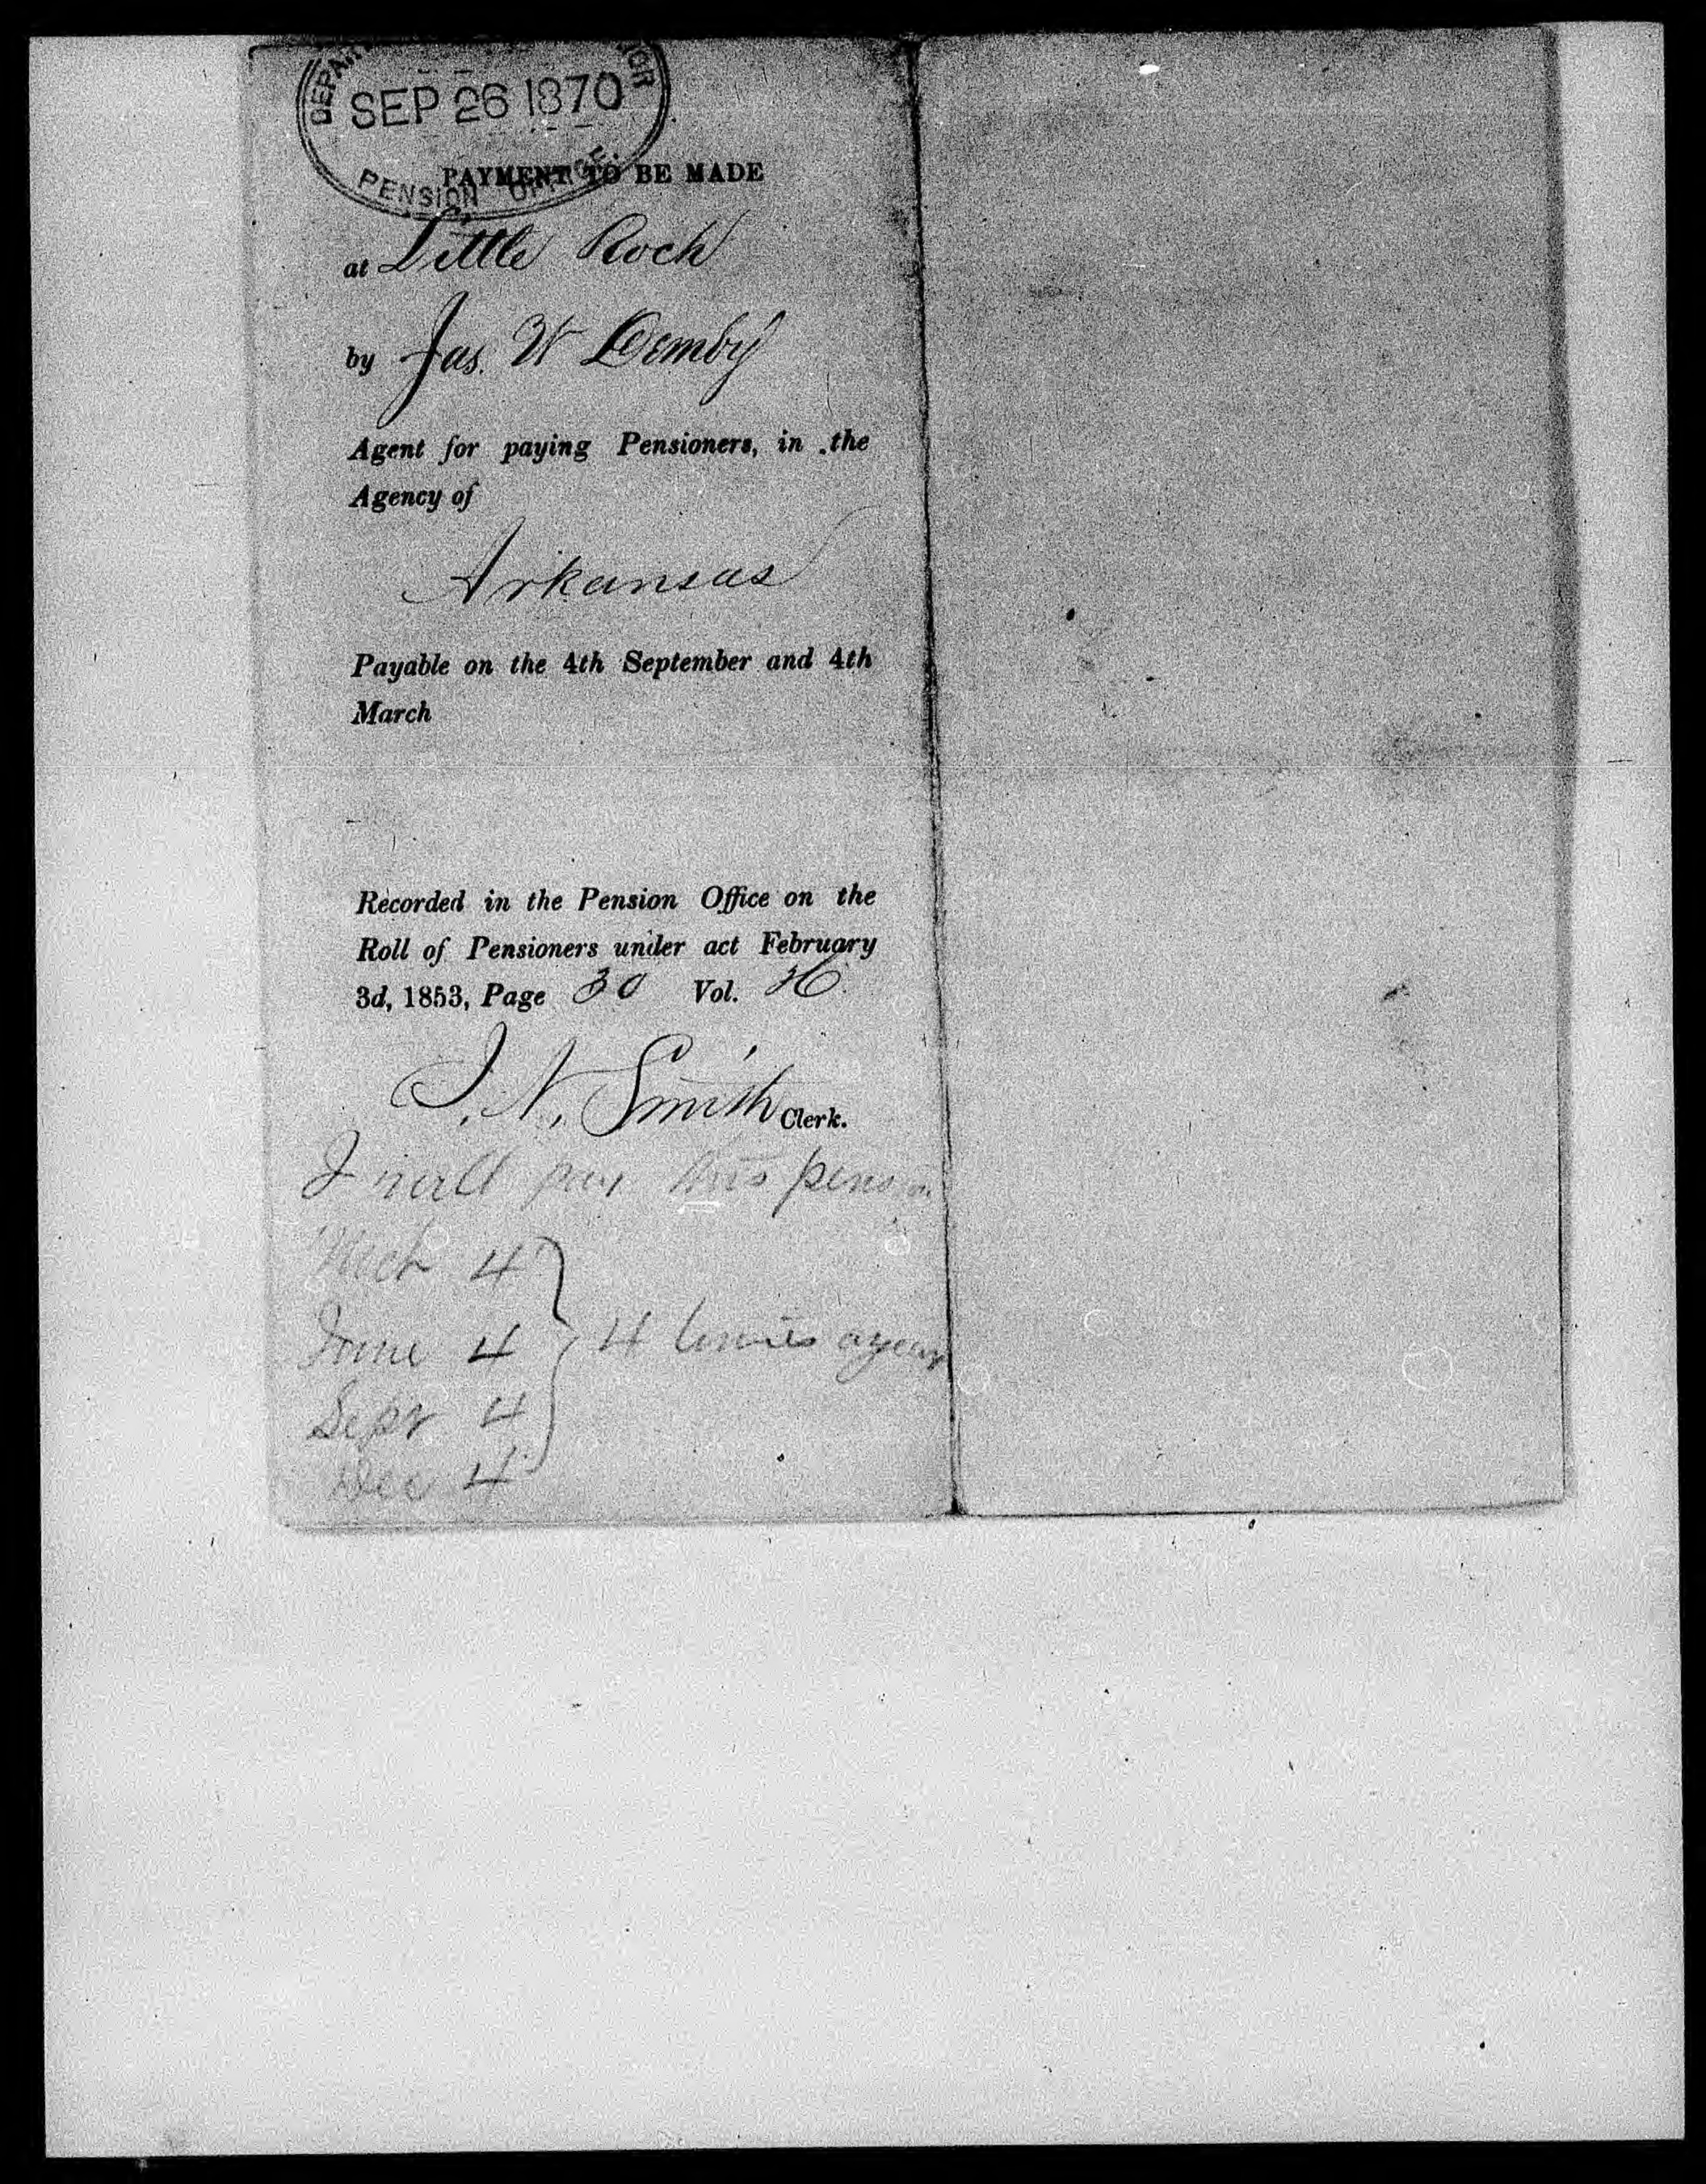PAYMENT TO BE MADE
at Little Rock
by Jas. W Demby
Agent for paying Pensioners, in the
Agency of
Arkansas
Payable on the 4th September and 4th
March
Recorded in the Pension Office on the
Roll of Pensioners under act February
3d, 1853, Page 30 Vol. H
J. N. Smith Clerk
I will pay this pension
Mch  4"
June 4 }  4 times a year
Sept  4
Dec   4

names: Jas W Demby; J N Smith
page: 79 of 115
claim: widow's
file: W. 1446, for John Mc Clung, South Carolina